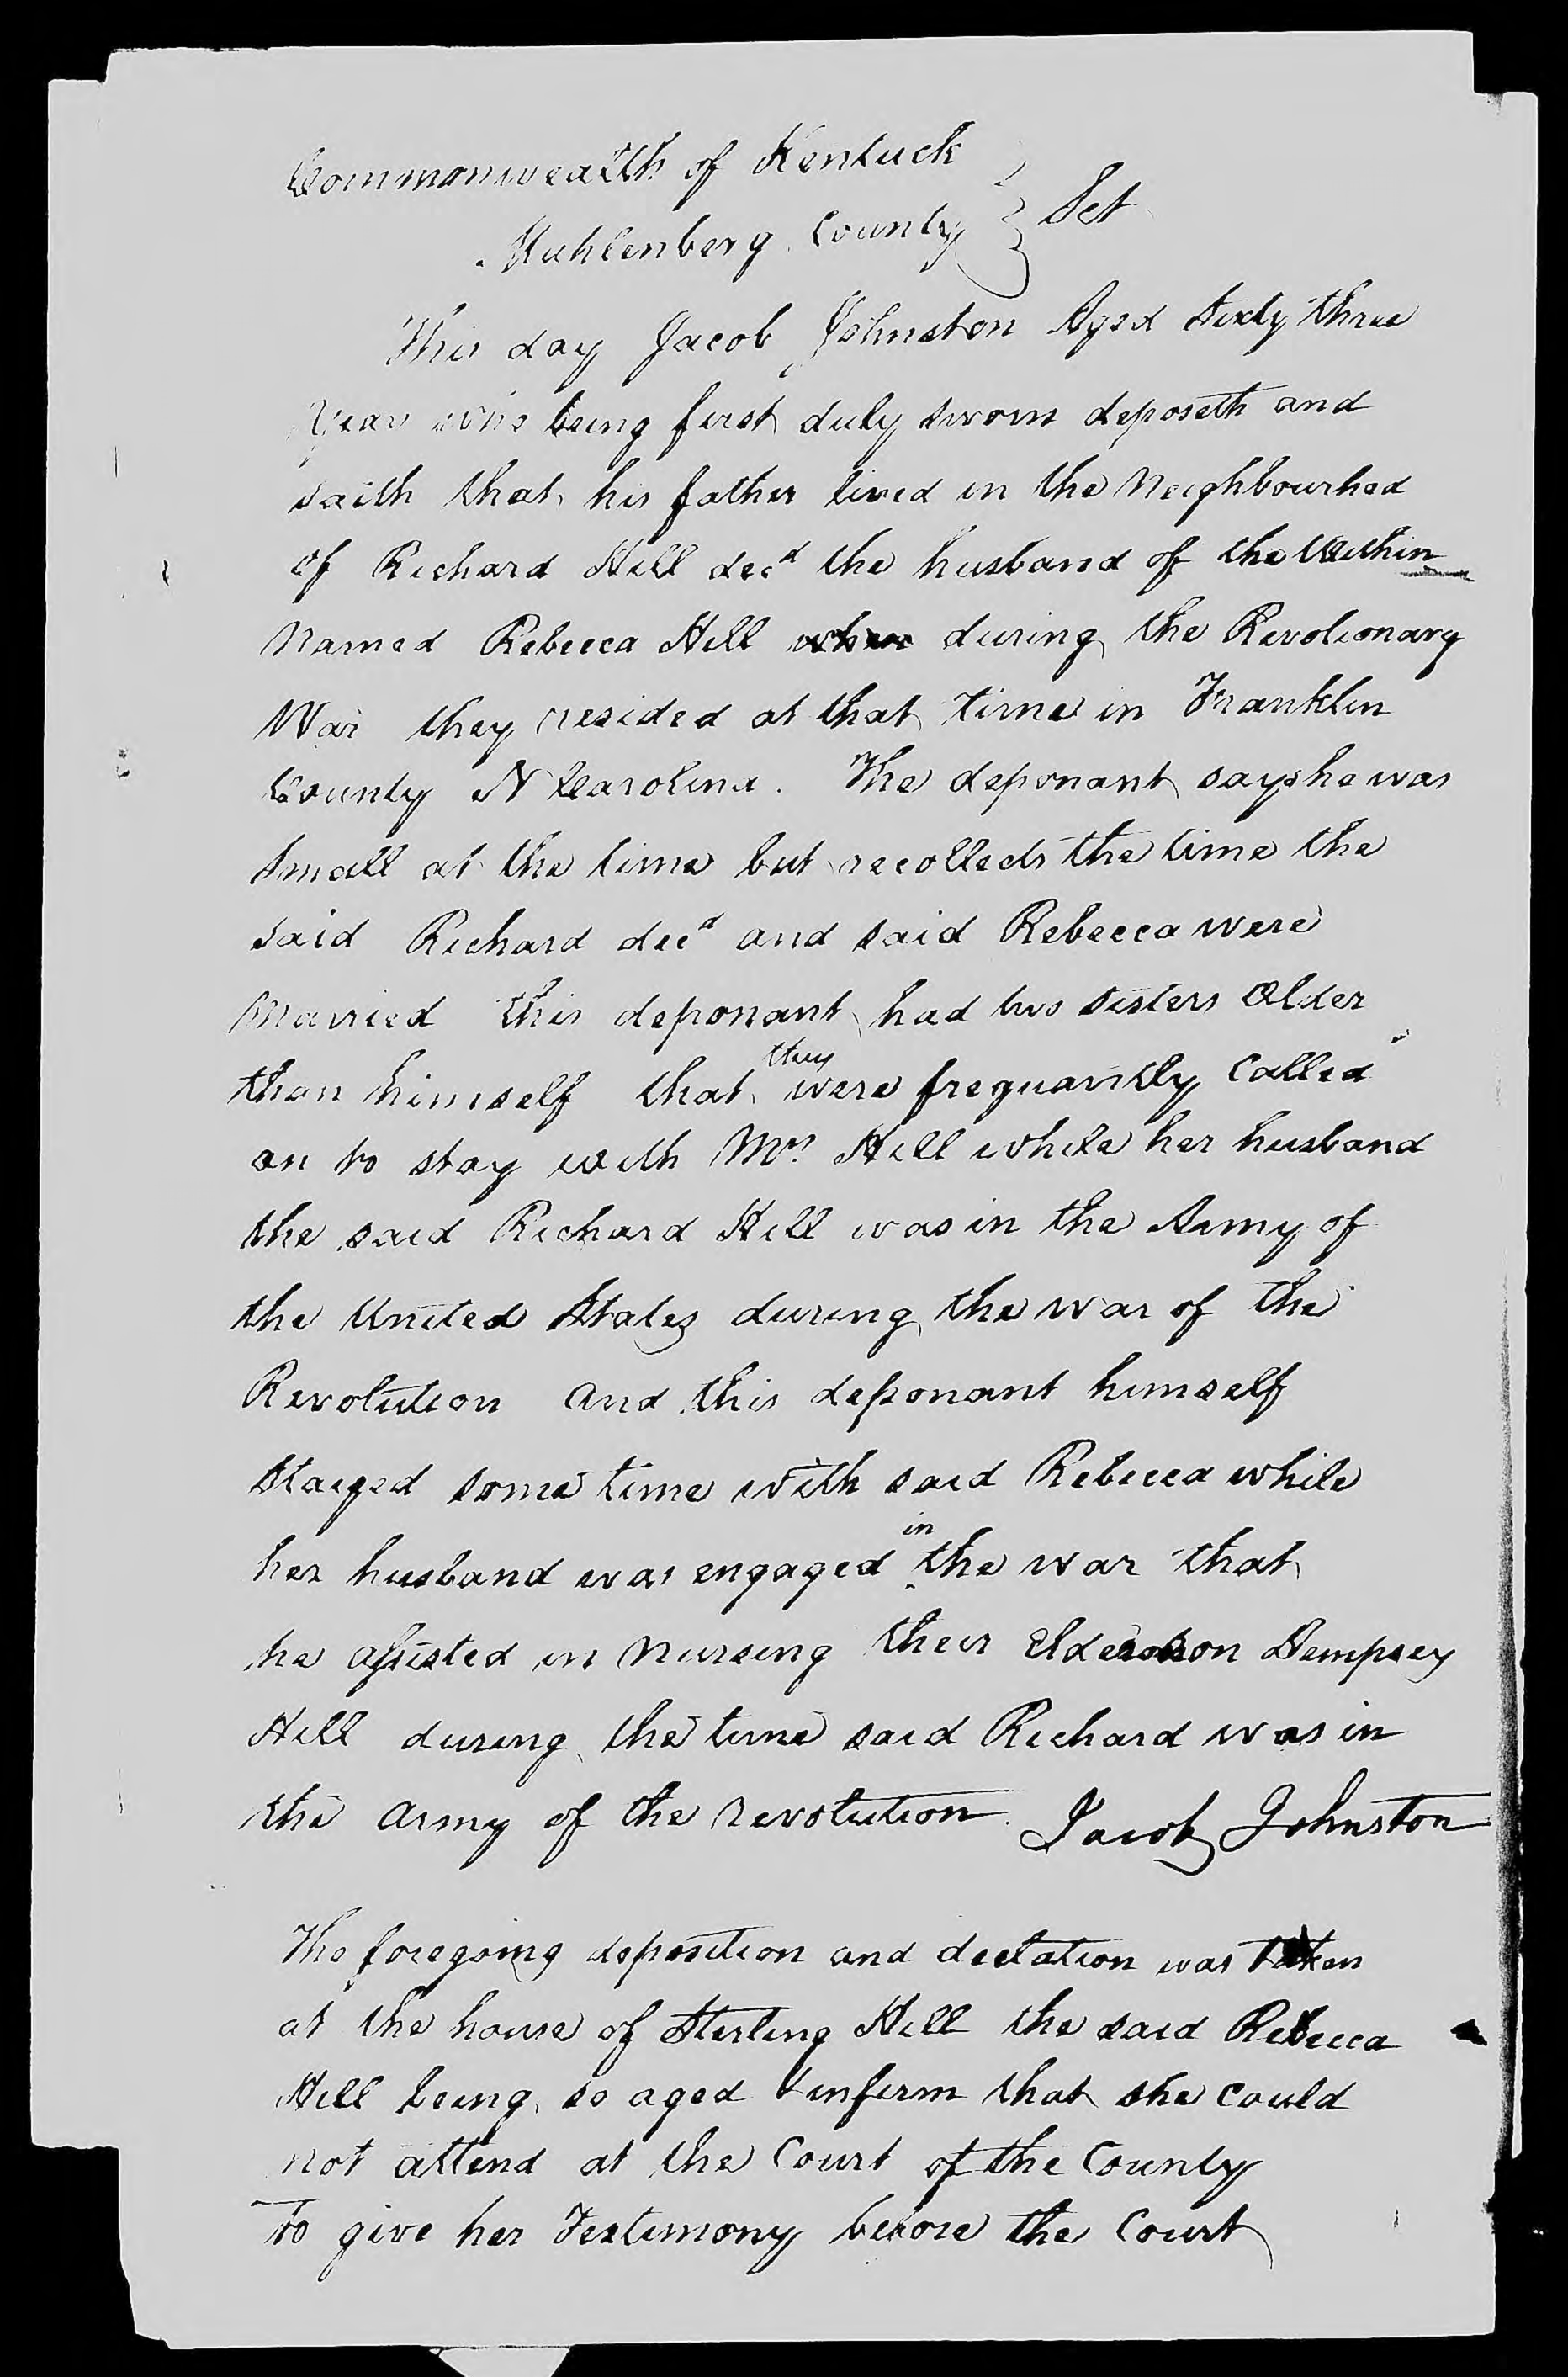Commonwealth of Kentucky} 
Muhlenberg County} Sct

This day Jacob Johnston Aged Sixty three year who being first duly sworn deposeth and saith that his father lived in the neighbourhod [neighborhood] of Richard Hill decd [deceased] the husband of the within named Rebecca Hill [crossed out when] during the Revolionary [Revolutionary] War they resided at that time in Franklin County N Carolina. The deponant [deponent] says he was Small at the time but recollects the time the said Richard decd [deceased] and said Rebecca were married this deponant [deponent] had two sisters older than himself that [^ they] were frequently called on to stay with Mrs. Hill while her husband the said Richard Hill was in the Army of the United States during the war of the Revolution and this deponant [deponent] himself stayed some time with said Rebecca while in her husband was engaged [^ in] the war that he assisted in nursing their Elder son Dempsey Hill during the time said Richard was in the Army of the Revolution 
Jacob Johnston 

The foregoing deposition and dictation was taken at the house of Sterling Hill the said Rebecca Hill being so aged & infirm that she could not attend at the Court of the County to give her testimony before the Court.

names: Jacob Johnston, Richard, Richard Hill, Hill, Rebecca, Richard Hill, Jacob Johnston, Dempsey Hill, Richard, Rebecca Hill, Rebecca, Rebecca Hill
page: 18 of 27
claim: rejected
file: R. 5006, Richard Hill, N.C.